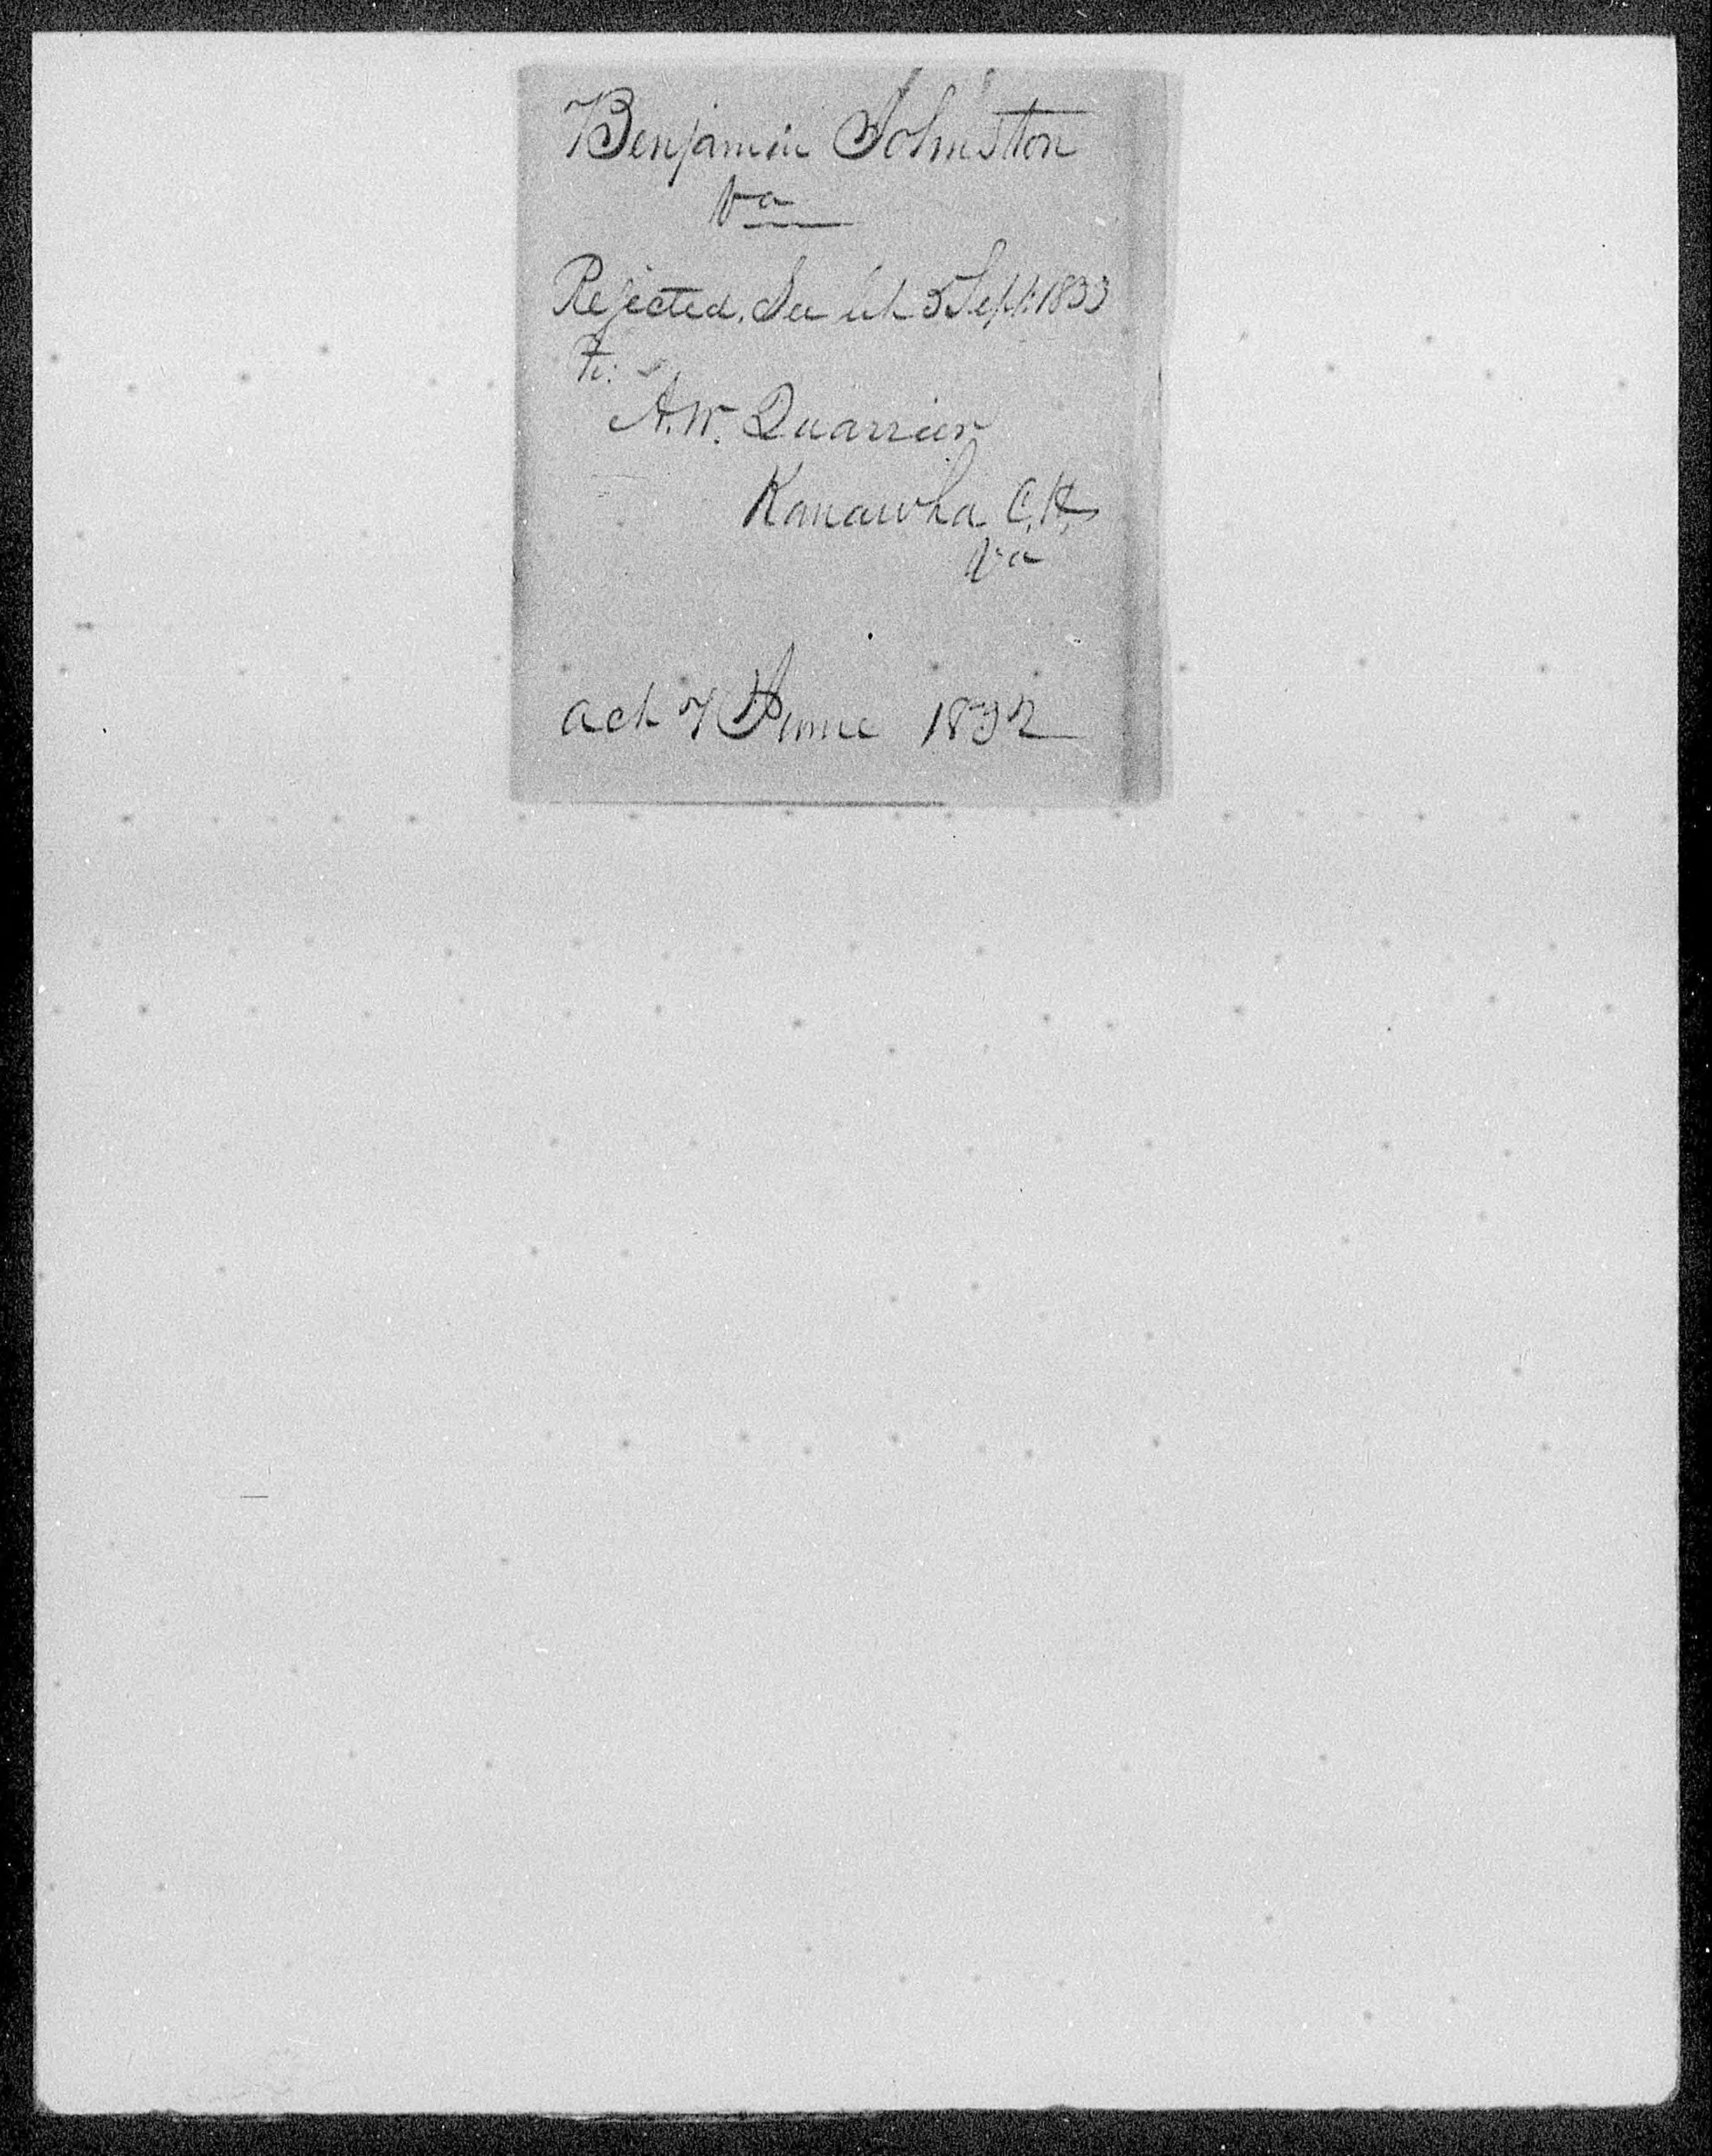Benjamin Johnston 
Va 

Rejected, See let 3 Sept 1833 
to: 
A.W. Quarrier 
Kanawha C.H. Va 
Act of June 1832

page: 9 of 17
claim: rejected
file: R. 5674, for Benjamin Johnson, Virginia